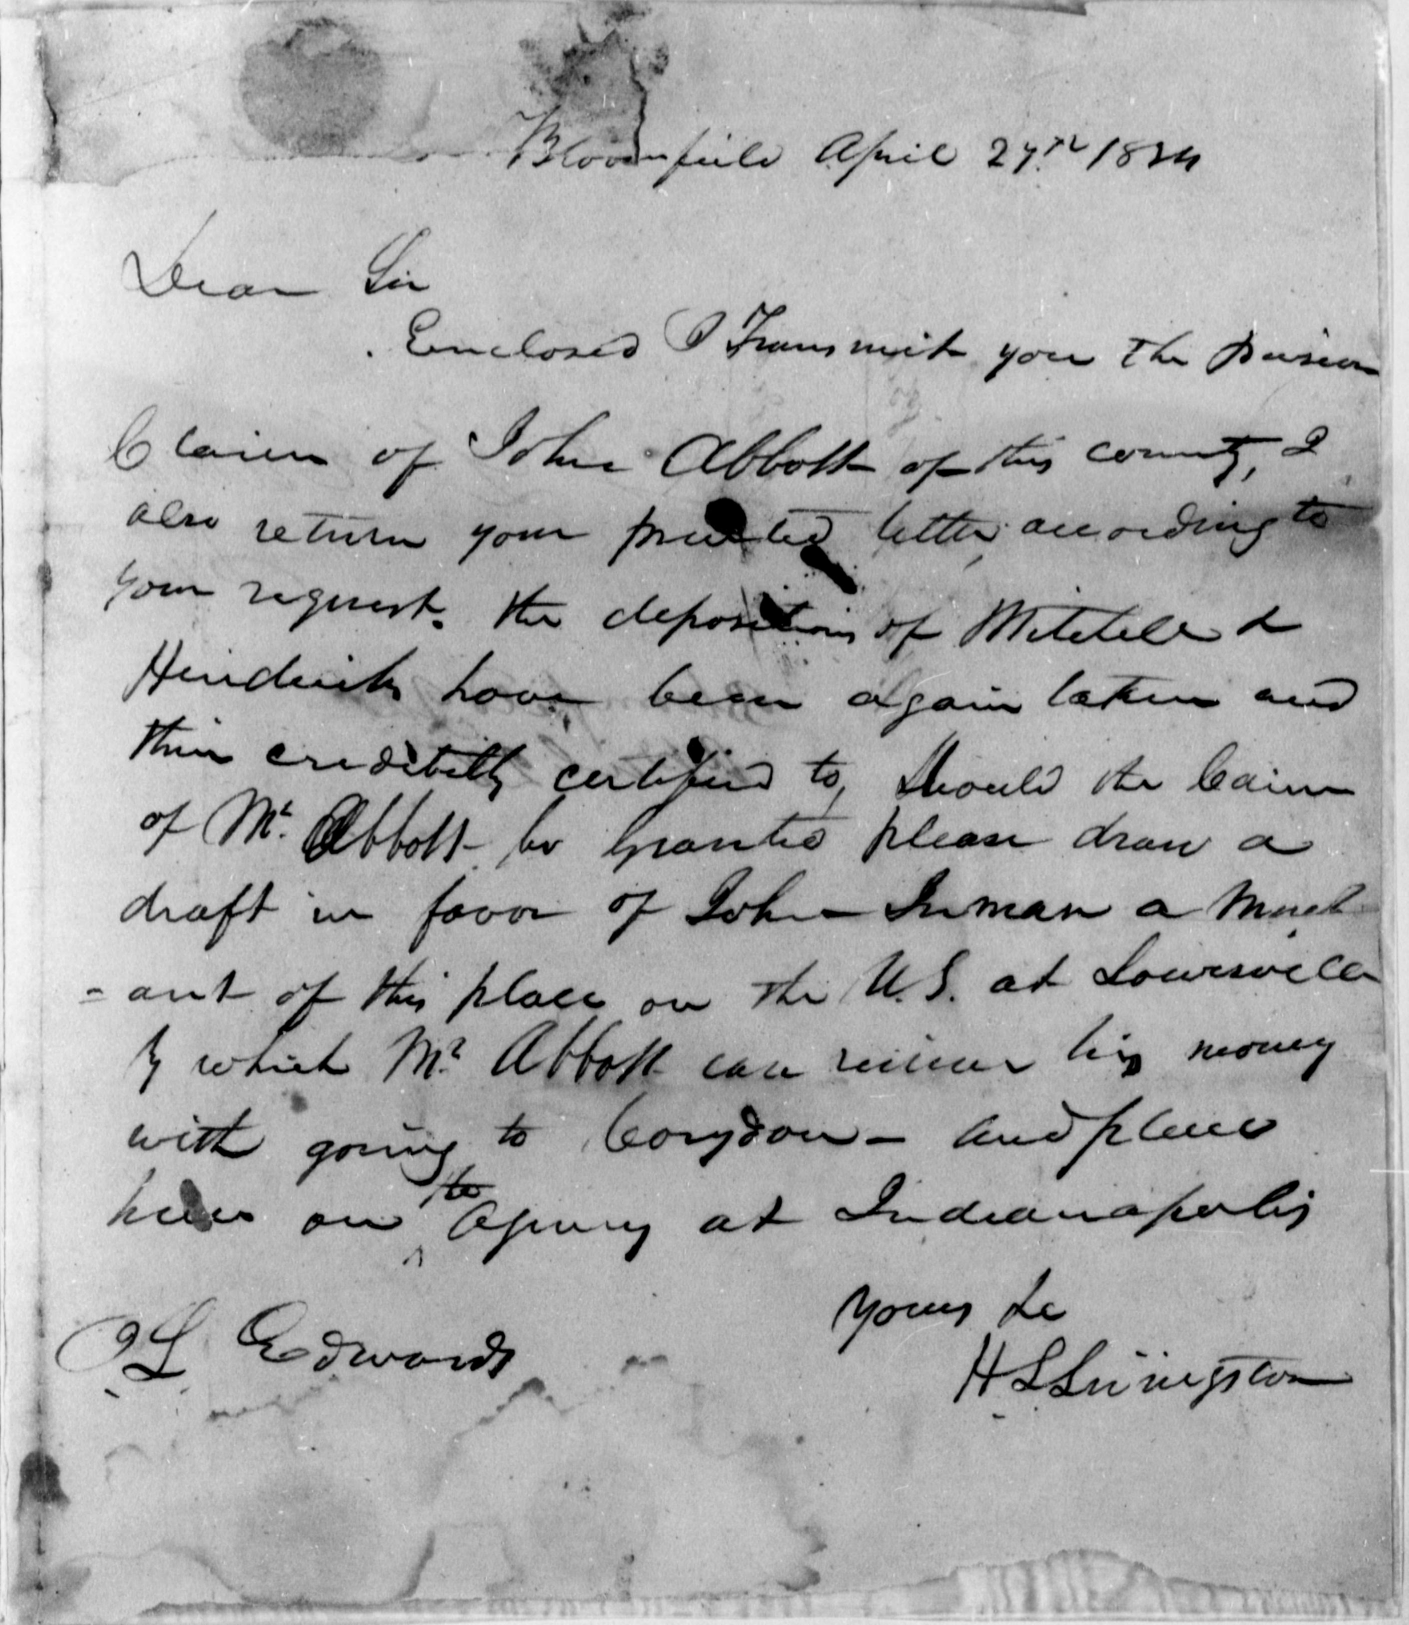Bloomfield April 27th 1824
Dear Sir


Enclosed I Transmit you the pension
Claim of John Abbott of this County
Also
return your printed
letter according to
your request the depositions of Mitchell &
Hendrick have been again taken and
their credibility certified to, should the claim
of Mr. Abbott be Granted please drew a
draft in favor of John Inman a merchant of this place on the U.S. at Lawrence Co. by
which Mr. Abbott can receive his money
without
going to
Corydon-- and place
him on 
the agency at Indianapolis
O. L. Edwards
Yours &c
H L Livingston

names: H L Livingston, J L Edwards, John Abbott, Abbott, Abbott, John Inman, Mitchell L Hendrick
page: 15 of 35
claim: survivor's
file: S. 32089, John Abbott, Continental N. C.